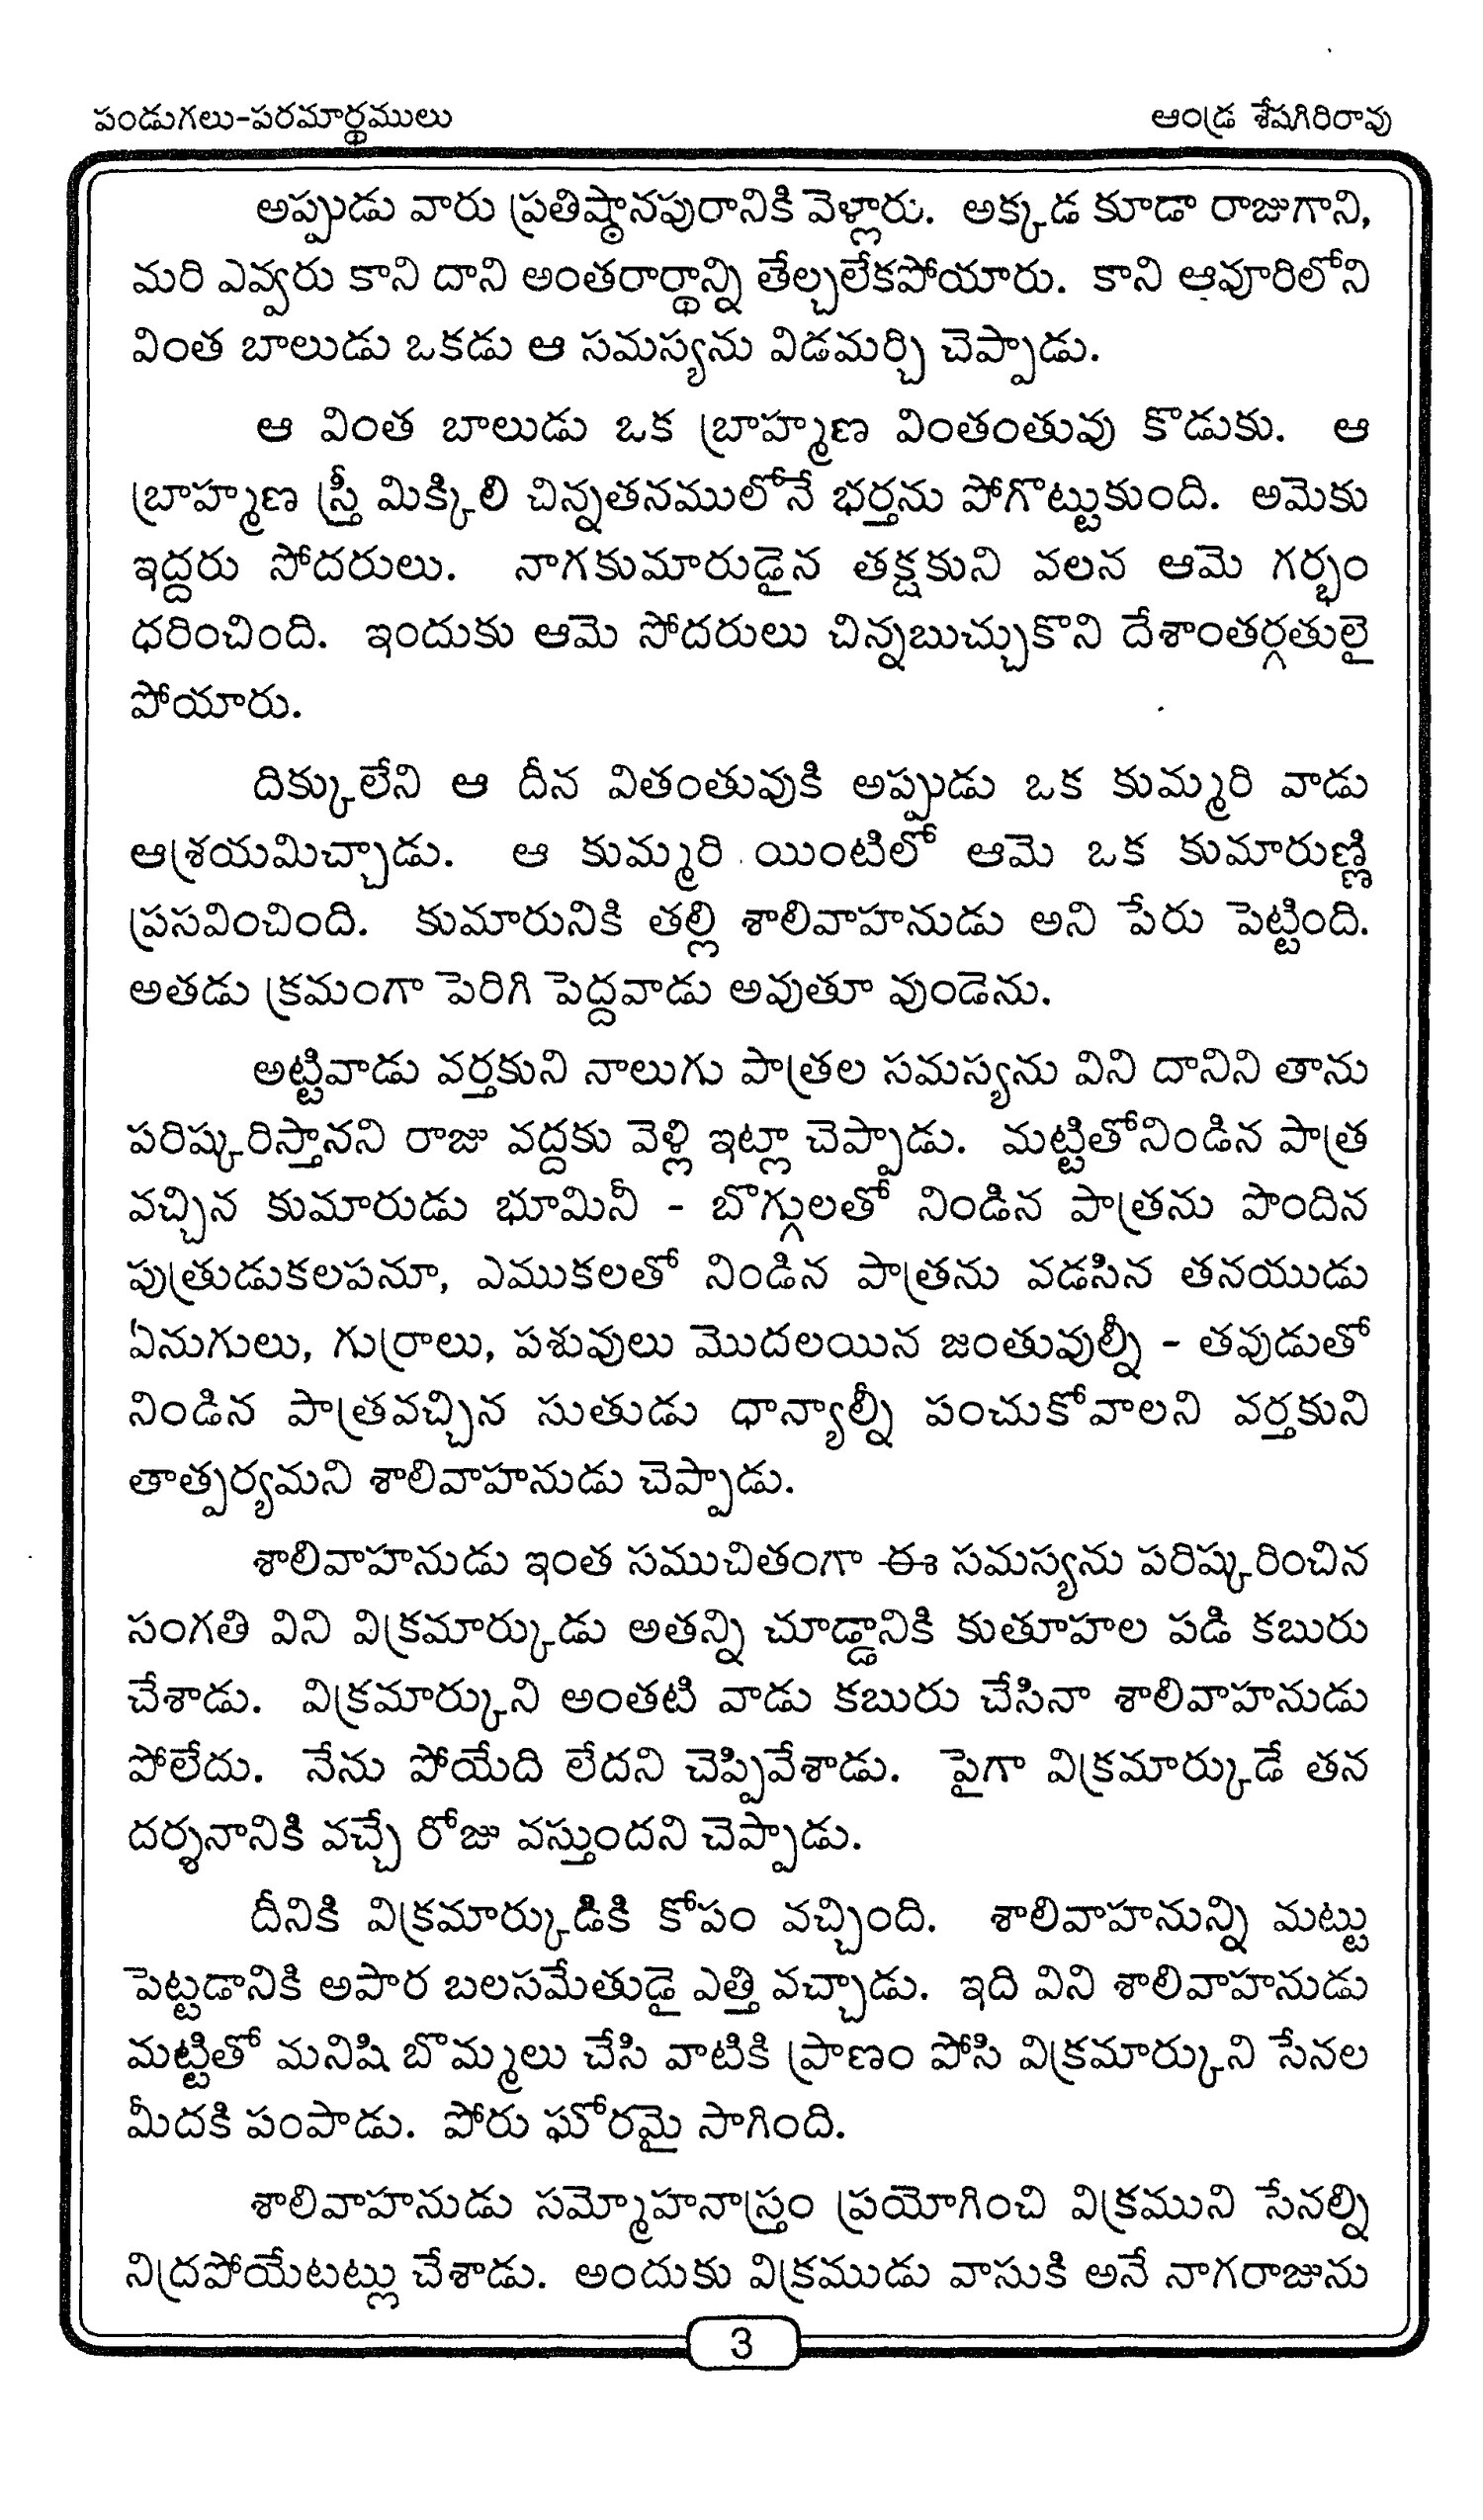అప్పుడు వారు ప్రతిష్థానపురానికి వెళ్లారు. అక్కద కూడా రాజుగాని, మరి ఎవ్వరు కాని దాని అంతరర్ధాన్ని తేల్చలేకపోయారు. కాని ఆవూరులోని వింత బాలుడు ఒకడు ఆ సమస్యను విడమర్చి చ్వెప్పాడు.
 ఆ వింత బాలుడు ఒక బ్రాహ్మణ వితంతువు కొడుకు. ఆ బ్రాహ్మణ స్త్రీ మిక్కిలి చిన్నతనములోనే భర్తను పోగొట్తుకుంది. ఆమెకు ఇద్దరు సోదరులు, నాగకుమారుడైన తక్షకుని వలన ఆమె గర్భం ధరించించి. ఇందుకు ఆమె సోదరులు చిన్నయిచ్చుకొని దేశాంతర్గతులై పోయారు.
 దిక్కులేని ఆ దీన వితంతువుకి అప్పుడు ఒక కుమ్మరి వాడు ఆశ్రయమిచ్చాడు, ఆ కుమ్మరి యింటిలో ఆమె ఒక కుమారుణ్ణి ప్రసవించింది. కుమారునికి తల్లి శాలివాహనుడు అని పేరు పెట్టింది. అతడు క్రమంగా పెరిగి పెద్దవాడు అవుతూ వుండెను.
 అట్టివాడు వర్తకుని నాలుగు పాత్రల సమస్యను విని దానిని తాను పరిష్కరిస్తానని రాజు వద్దకు వెళ్లి ఇట్లా చెప్పాడు. మట్టితోనిండిన పాత్ర వచ్చిన కుమారుడు భూమినీ - బొగ్గులతో నిండిన పాత్రను పొందిన పుత్రుడుకలపనూ, ఎముకలతో నిందిన పాత్రను వడసిన తనయుడు ఏనుగులు, గుర్రాలు, పశువులు మొదలయిన జంతువుల్నీ - తవుడుతో నిండిన పాత్రవచ్చిన సుతుడు ధాన్యాల్ని పంచుకోవాలని వర్తకుని తాత్పర్యమని శాలివాహనుడు చెప్పాడు.
 శాలివాహనుడు ఇంత సముచితంగా ఈ సమస్యను పరిష్కరించిన సంగతి విని విక్రమార్కుటు అతన్ని చూడ్డానికి కుతూహలం పడి కబురు చేశాడు. విక్రమార్కుని అంతటి వాడు కబురు చేసినా శాలివాహనుడు పోలేదు. నేను పోయేది లేదని చెప్పివేశాడు. పైగా విక్రమార్కుడే తన దర్శనానికి వచ్చే రోజు వస్తుందని చెప్పాడు.
 దీనికి విక్రమార్కుడికి కోపం వచ్చింది. శాలివాహనున్ని మట్టు పెట్టడానికి అపార బలసమేతుడై ఎత్తి వచ్చాడు. ఇది విని శాలివాహనుడు మట్టితో మనిషి బొమ్మలు చేసి వాటికి ప్రాణం పోసి విక్రమార్కుని సేనల మీదకి పంపాడు. పొరు ఘోరమై సాగింది.
 శాలివాహనుడు సమ్మొహనాస్త్రం ప్రయోగించి విక్రముని సేనల్ని నిద్రపొయెటట్లు చేశాడు. అందుకు విక్రముడు వాసుకి అనే నాగరాజును